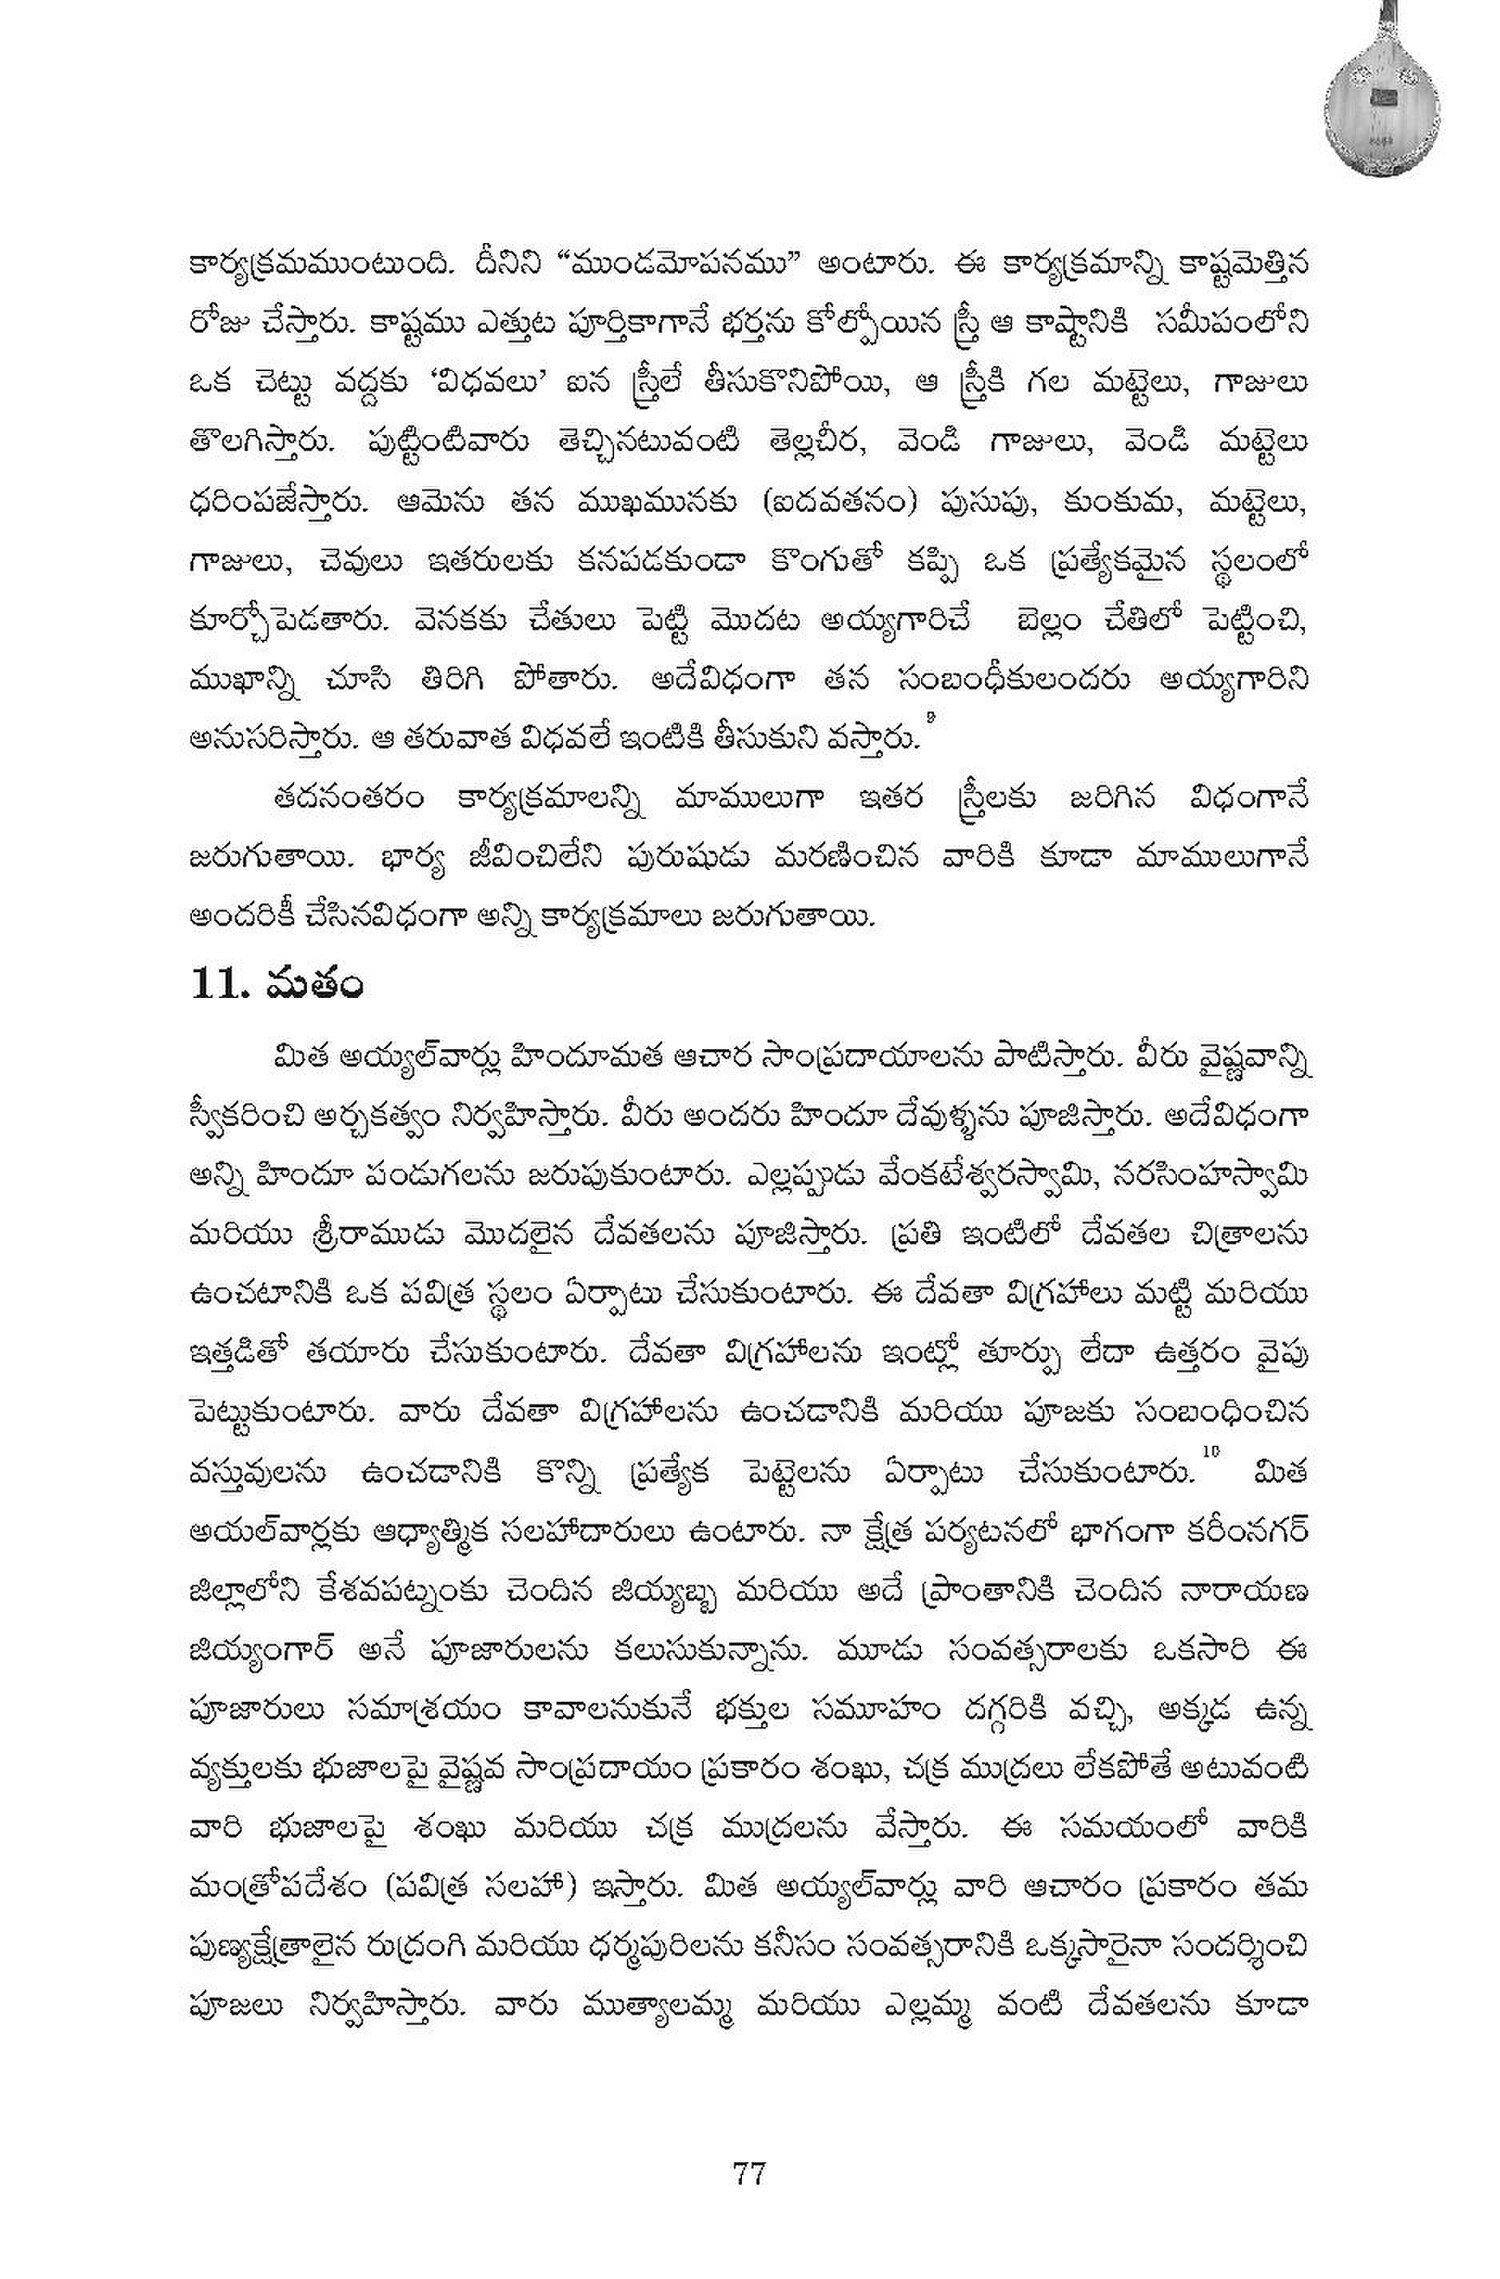కార్యక్రమముంటుంది. దీనిని "ముండమోపనము" అంటారు. ఈ కార్యక్రమాన్ని కాష్టమెత్తిన రోజు చేస్తారు. కాష్టము ఎత్తుట పూర్తికాగానే భర్తను కోల్పోయిన స్త్రీ ఆ కాష్టానికి సమీపంలోని ఒక చెట్టు వద్దకు 'విధవలు' ఐన స్త్రీలే తీసుకొనిపోయి, ఆ స్త్రీకి గల మట్టెలు, గాజులు తొలగిస్తారు. పుట్టింటివారు తెచ్చినటువంటి తెల్లచీర, వెండి గాజులు, వెండి మట్టెలు ధరింప జేస్తారు. ఆమెను తన ముఖమునకు (ఐదవతనం) పుసుపు, కుంకుమ, మట్టెలు, గాజులు, చెవులు ఇతరులకు కనపడ కుండా కొంగుతో కప్పి ఒక ప్రత్యేకమైన స్థలంలో కూర్చోపెడతారు. వెనకకు చేతులు పెట్టి మొదట అయ్యగారిచే బెల్లం చేతిలో పెట్టించి, ముఖాన్ని చూసి తిరిగి పోతారు. అదేవిధంగా తన సంబంధీకులందరు అయ్యగారిని అనుసరిస్తారు. ఆ తరువాత విధవలే ఇంటికి తీసుకుని వస్తారు.9

తదనంతరం కార్యక్రమాలన్ని మాములుగా ఇతర స్త్రీలకు జరిగిన విధంగానే జరుగుతాయి. భార్య జీవించిలేని పురుషుడు మరణించిన వారికి కూడా మాములుగానే అందరికీ చేసినవిధంగా అన్ని కార్యక్రమాలు జరుగుతాయి.

11. మతం 

మిత అయ్యల్వార్లు హిందూమత ఆచార సాంప్రదాయాలను పాటిస్తారు. వీరు వైష్ణవాన్ని స్వీకరించి అర్చకత్వం నిర్వహిస్తారు. వీరు అందరు హిందూ దేవుళ్ళను పూజిస్తారు. అదేవిధంగా అన్ని హిందూ పండుగలను జరుపుకుంటారు. ఎల్లప్పుడు వేంకటేశ్వరస్వామి, నరసింహస్వామి మరియు శ్రీరాముడు మొదలైన దేవతలను పూజిస్తారు. ప్రతి ఇంటిలో దేవతల చిత్రాలను ఉంచటానికి ఒక పవిత్ర స్థలం ఏర్పాటు చేసుకుంటారు. ఈ దేవతా విగ్రహాలు మట్టి మరియు
ఇత్తడితో తయారు చేసుకుంటారు. దేవతా విగ్రహాలను ఇంట్లో తూర్పు లేదా ఉత్తరం వైపు పెట్టుకుంటారు. వారు దేవతా విగ్రహాలను ఉంచడానికి మరియు పూజకు సంబంధించిన వస్తువులను ఉంచడానికి కొన్ని ప్రత్యేక పెట్టెలను ఏర్పాటు చేసుకుంటారు.10 మిత అయల్వార్లకు ఆధ్యాత్మిక సలహాదారులు ఉంటారు. నా క్షేత్ర పర్యటనలో భాగంగా కరీంనగర్ జిల్లాలోని కేశవపట్నంకు చెందిన జియ్యబ్బ మరియు అదే ప్రాంతానికి చెందిన నారాయణ జియ్యంగార్ అనే పూజారులను కలుసుకున్నాను. మూడు సంవత్సరాలకు ఒకసారి ఈ పూజారులు సమాశ్రయం కావాలనుకునే భక్తుల సమూహం దగ్గరికి వచ్చి, అక్కడ ఉన్న వ్యక్తులకు భుజాలపై వైష్ణవ సాంప్రదాయం ప్రకారం శంఖు, చక్ర ముద్రలు లేకపోతే అటువంటి వారి భుజాలపై శంఖు మరియు చక్ర ముద్రలను వేస్తారు. ఈ సమయంలో వారికి మంత్రోపదేశం (పవిత్ర సలహా) ఇస్తారు. మిత అయ్యల్వార్లు వారి ఆచారం ప్రకారం తమ పుణ్యక్షేత్రాలైన రుద్రంగి మరియు ధర్మపురిలను కనీసం సంవత్సరానికి ఒక్కసారైనా సందర్శించి పూజలు నిర్వహిస్తారు. వారు ముత్యాలమ్మ మరియు ఎల్లమ్మ వంటి దేవతలను కూడా